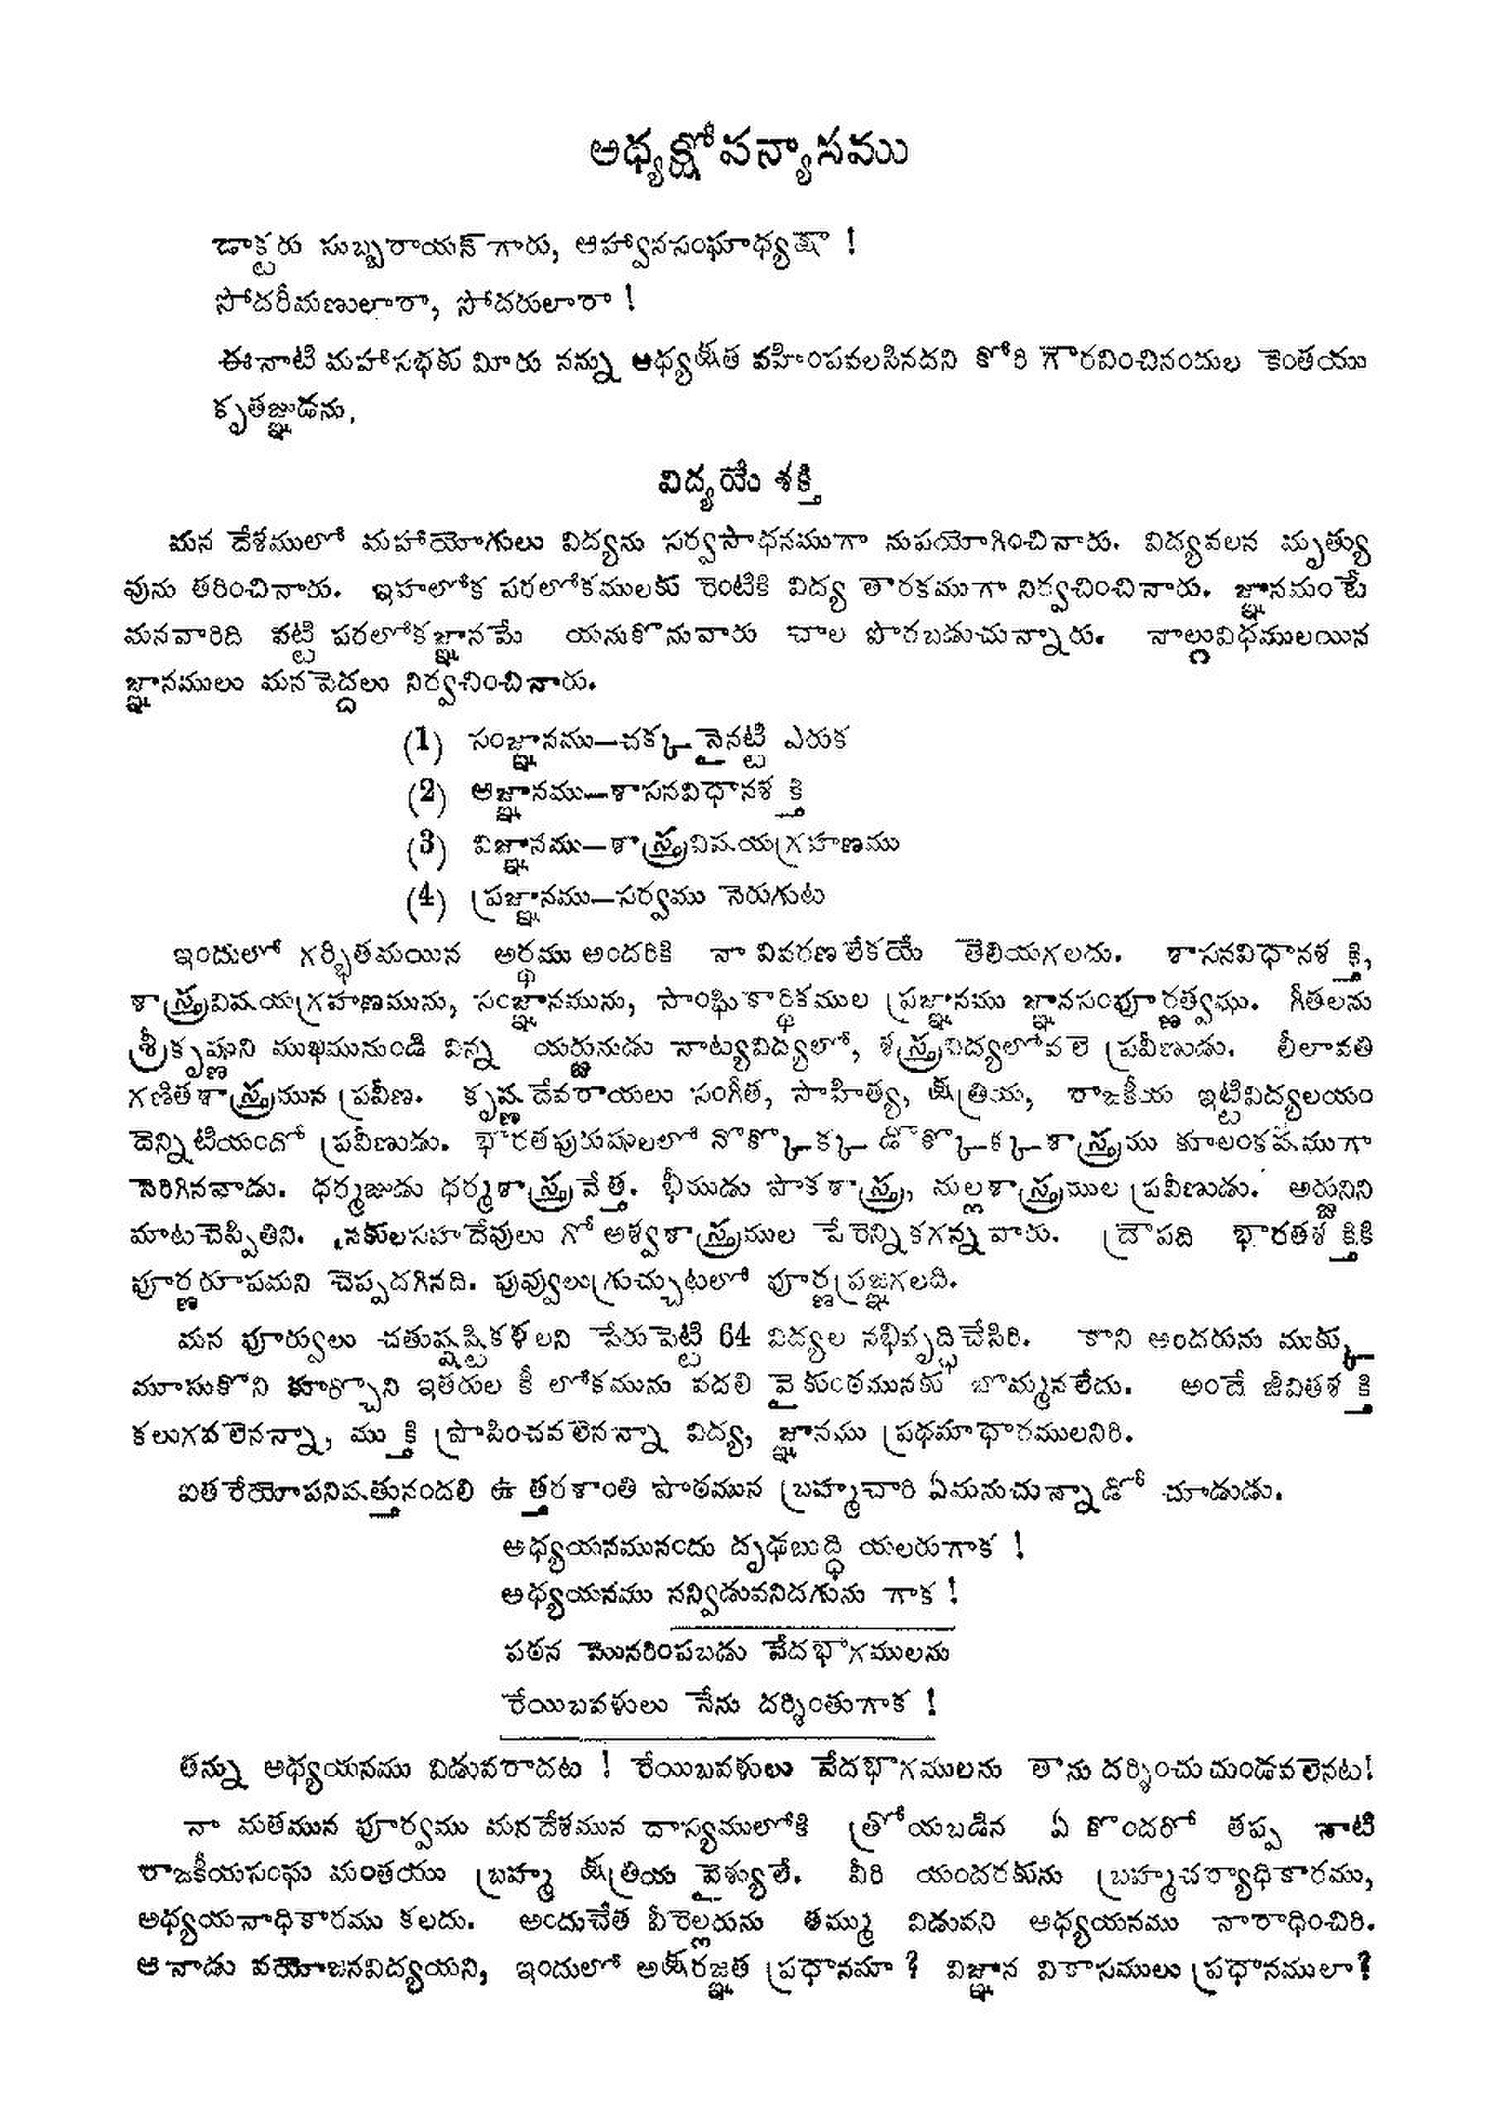డాక్టరు సుబ్బరాయన్ గారు, ఆహ్వాన సంఘాధ్యక్షా!
సోదరీమణులారా, సోదరులారా !
ఈనాటి మహాసభకు మీరు నన్ను అధ్యక్షత వహింపవలసినదని కోరి గౌరవించినందుల కెంతయు కృతజ్ఞుడను,

మన దేశములో మహాయోగులు విద్యను సర్వసాధనముగా నుపయోగించినారు. విద్యవలన మృత్యువును తరించినారు. ఇహలోక పరలోకములకు రెంటికి విద్య తారకముగా నిర్వచించినారు. జ్ఞానమంటే మనవారిది వట్టి పరలోక జ్ఞానమే యనుకొనువారు చాల పొరబడుచున్నారు. నాల్గువిధములయిన జ్ఞానములు మన పెద్దలు నిర్వచించినారు.

(1) సంజ్ఞానము-చక్క నైనట్టి ఎరుక
(2) అజ్ఞానము. శాసనవిధానశక్తి
(3) విజ్ఞానము - శాస్త్రవిషయగ్రహణము
(4) ప్రజ్ఞానము- సర్వము నెరుగుట

ఇందులో గర్భితమయిన అర్థము అందరికి నా వివరణ లేకయే తెలియగలదు. శాసనవిధానశక్తి, శాస్త్రవిషయగ్రహణమును, 
సంజ్ఞానమును, సాంఘికార్థికముల ప్రజ్ఞానము జ్ఞానసంపూర్ణత్వము. గీతలను కృష్ణుని ముఖమునుండి విన్న యర్జునుడు 
నాట్యవిద్యలో, శస్త్రవిద్యలోవలె ప్రవీణుడు. లీలావతి గణితశాస్త్రమున ప్రవీణ. కృష్ణ దేవరాయలు సంగీత, సాహిత్య, క్షత్రియ, 
రాజకీయ ఇట్టివిద్యలయం దేన్నిటియందో ప్రవీణుడు. భారతపురుషులలో నొక్కొక్కడొక్కొక్క శాస్త్రము కూలంకషముగా
పెరిగినవాడు. ధర్మజుడు ధర్మశాస్త్రవేత్త. భీముడు పాకశాస్త్ర, మల్లశాస్త్రముల ప్రవీణుడు. అర్జునిని మాటచెప్పితిని. నకుల 
సహదేవులు గో అశ్వశాస్త్రముల పేరెన్నికగన్నవారు. ద్రౌపది భారతశక్తికి పూర్ణరూపమని చెప్పదగినది. పువ్వులుగ్రుచ్చుటలో 
పూర్ణప్రజ్ఞగలది.

మన పూర్వులు చతుష్షష్టికళలని పేరు పెట్టి 64 విద్యల నభివృద్ధి చేసిరి. కాని అందరును ముక్కుమూసుకొని కూర్చొని 
ఇతరులు కీ లోకమును వదలి వైకుంఠమునకు బొమ్మనలేదు. అందే జీవితశక్తి కలుగవలెనన్నా, ముక్తి ప్రొపించవలెనన్నా 
విద్య, జ్ఞానము ప్రథమాధారములనిరి.

ఐతరేయోపనిషత్తునందలి ఉత్తరశాంతి పాఠమున బ్రహ్మచారి ఏమనుచున్నాడో చూడుడు.
అధ్యయనమునందు దృఢబుద్ధి యలరుగాక!
అధ్యయనము నన్విడువనిదగును గాక!
పఠన మొనరింపబడు వేదభాగములను
రేయిబవళులు నేను దర్శింతుగాక! 

తన్ను అధ్యయనము విడువరాదట! రేయిబవళులు వేదభాగములను తాను దర్శించుచుండవలెనట!

నా మతమున పూర్వము మనదేశమున దాస్యములోకి త్రోయబడిన ఏ కొందరో తప్ప నాటి రాజకీయసంఘ మంతయు బ్రహ్మ 
క్షత్రియ వైశ్యులే. వీరి యందరకును బ్రహ్మచర్యాధి కారము, అధ్యయనాధికారము కలదు. అందుచేత వీరెల్లరును తమ్ము 
విడువని అధ్యయనము నారాధించిరి. ఆ నాడు వయోజనవిద్యయని, ఇందులో అక్షరజ్ఞత ప్రధానమా? విజ్ఞాన వికాసములు 
ప్రధానములా?